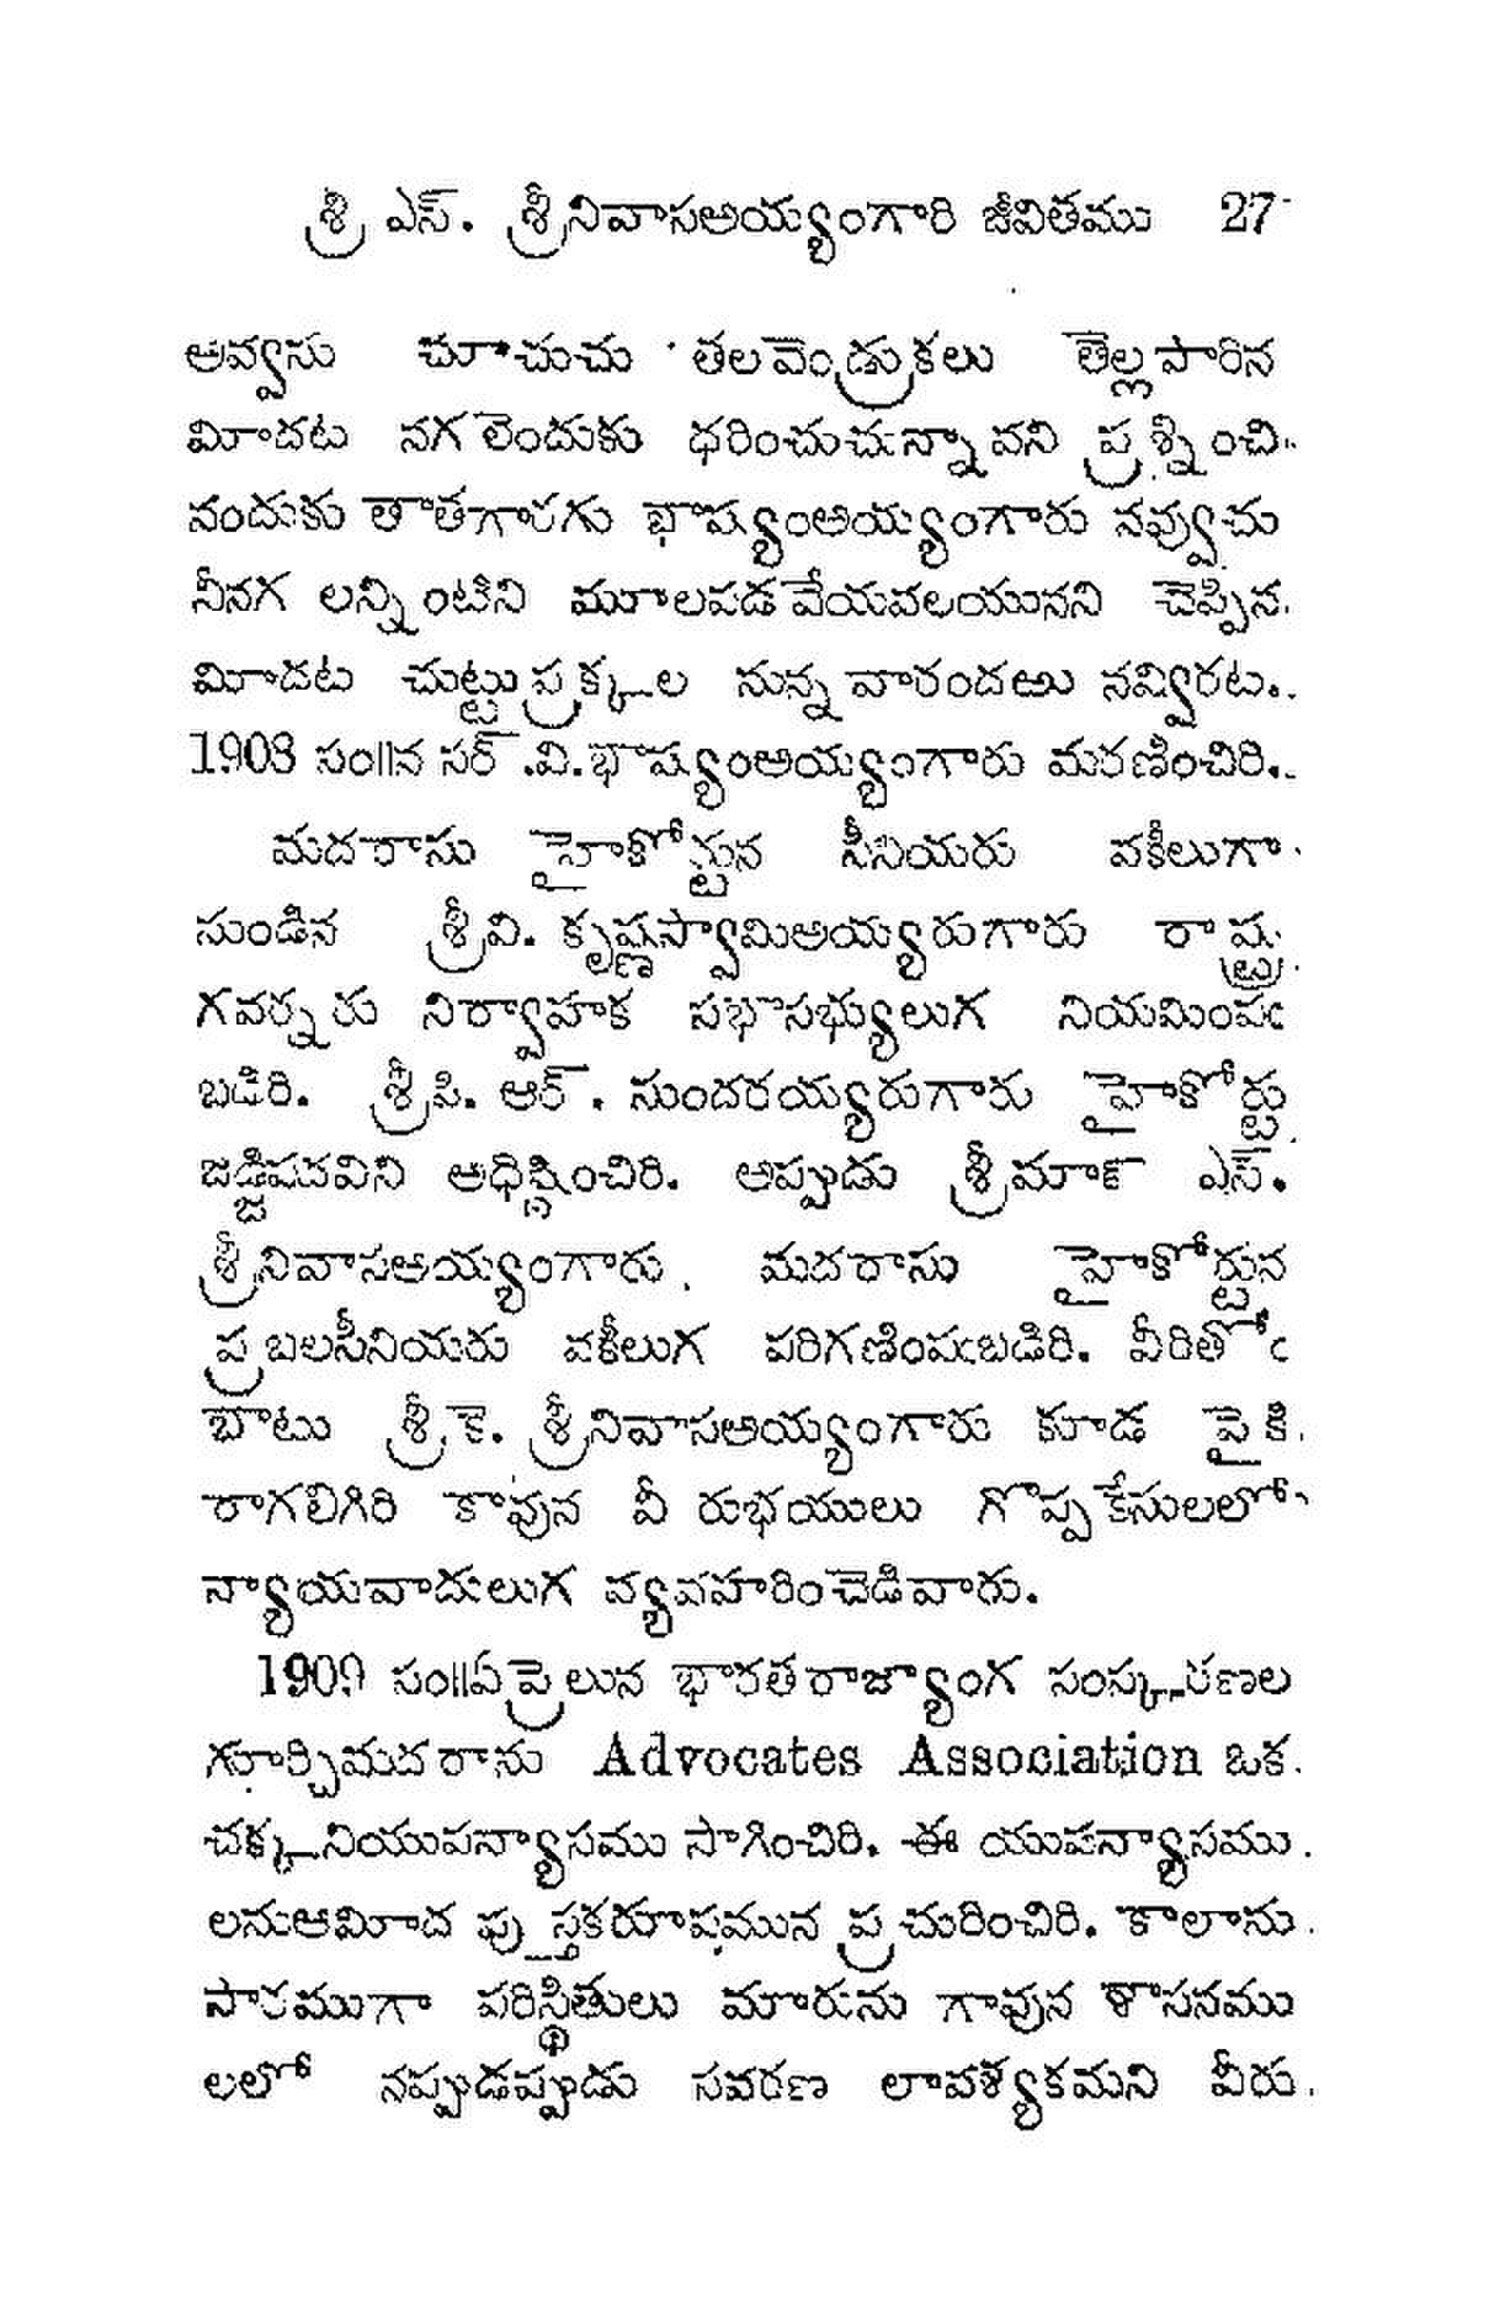అవ్వసు చూచుచు తలవెండ్రుకలు తెల్లపారిన మీదట నగలెందుకు ధరించుచున్నావని ప్రశ్నించినందుకు తాతగారగు భాష్యంఅయ్యంగారు నవ్వుచు నీనగ లన్నింటిని మూలపడవేయవలయునని చెప్పిన మొదట చుట్టుప్రక్కల నున్న వారందఱు నవ్విరట. 1908 సం||న సర్. వి. భాష్యంఅయ్యంగారు మరణించిరి..

మదరాసు హైకోర్టున సీనియరు వకీలుగానుండిన శ్రీ వి. కృష్ణస్వామిఅయ్యరుగారు రాష్ట్ర గవర్నరు నిర్వాహక సభాసభ్యులుగ నియమింపఁబడిరి. శ్రీపి. ఆర్. సుందరయ్యరుగారు హైకోర్టు జడ్జిపదవిని అధిష్టించిరి. అప్పుడు శ్రీమా౯ ఎస్. శ్రీనివాసఅయ్యంగారు మదరాసు హైకోర్టున ప్రబలసీనియరు వకీలుగ పరిగణింపఁబడిరి. వీరితోఁబాటు శ్రీ కె. శ్రీనివాసఅయ్యంగారు కూడ పైకి. రాగలిగిరి కావున వీ రుభయులు గొప్పకేసులలో న్యాయవాదులుగ వ్యవహరించెడివారు.

1909 సం||ఏప్రెలున భారతరాజ్యాంగ సంస్కరణల గూర్చిమదరాను Advocates Association ఒక చక్కనియుపన్యాసము సాగించిరి, ఈ యుపన్యాసములను ఆమీద పుస్తకరూపమున ప్రచురించిరి. కాలానుసారముగా పరిస్థితులు మారును గావున శాసనములలో నప్పుడప్పుడు సవరణ లావశ్యకమని వీరు